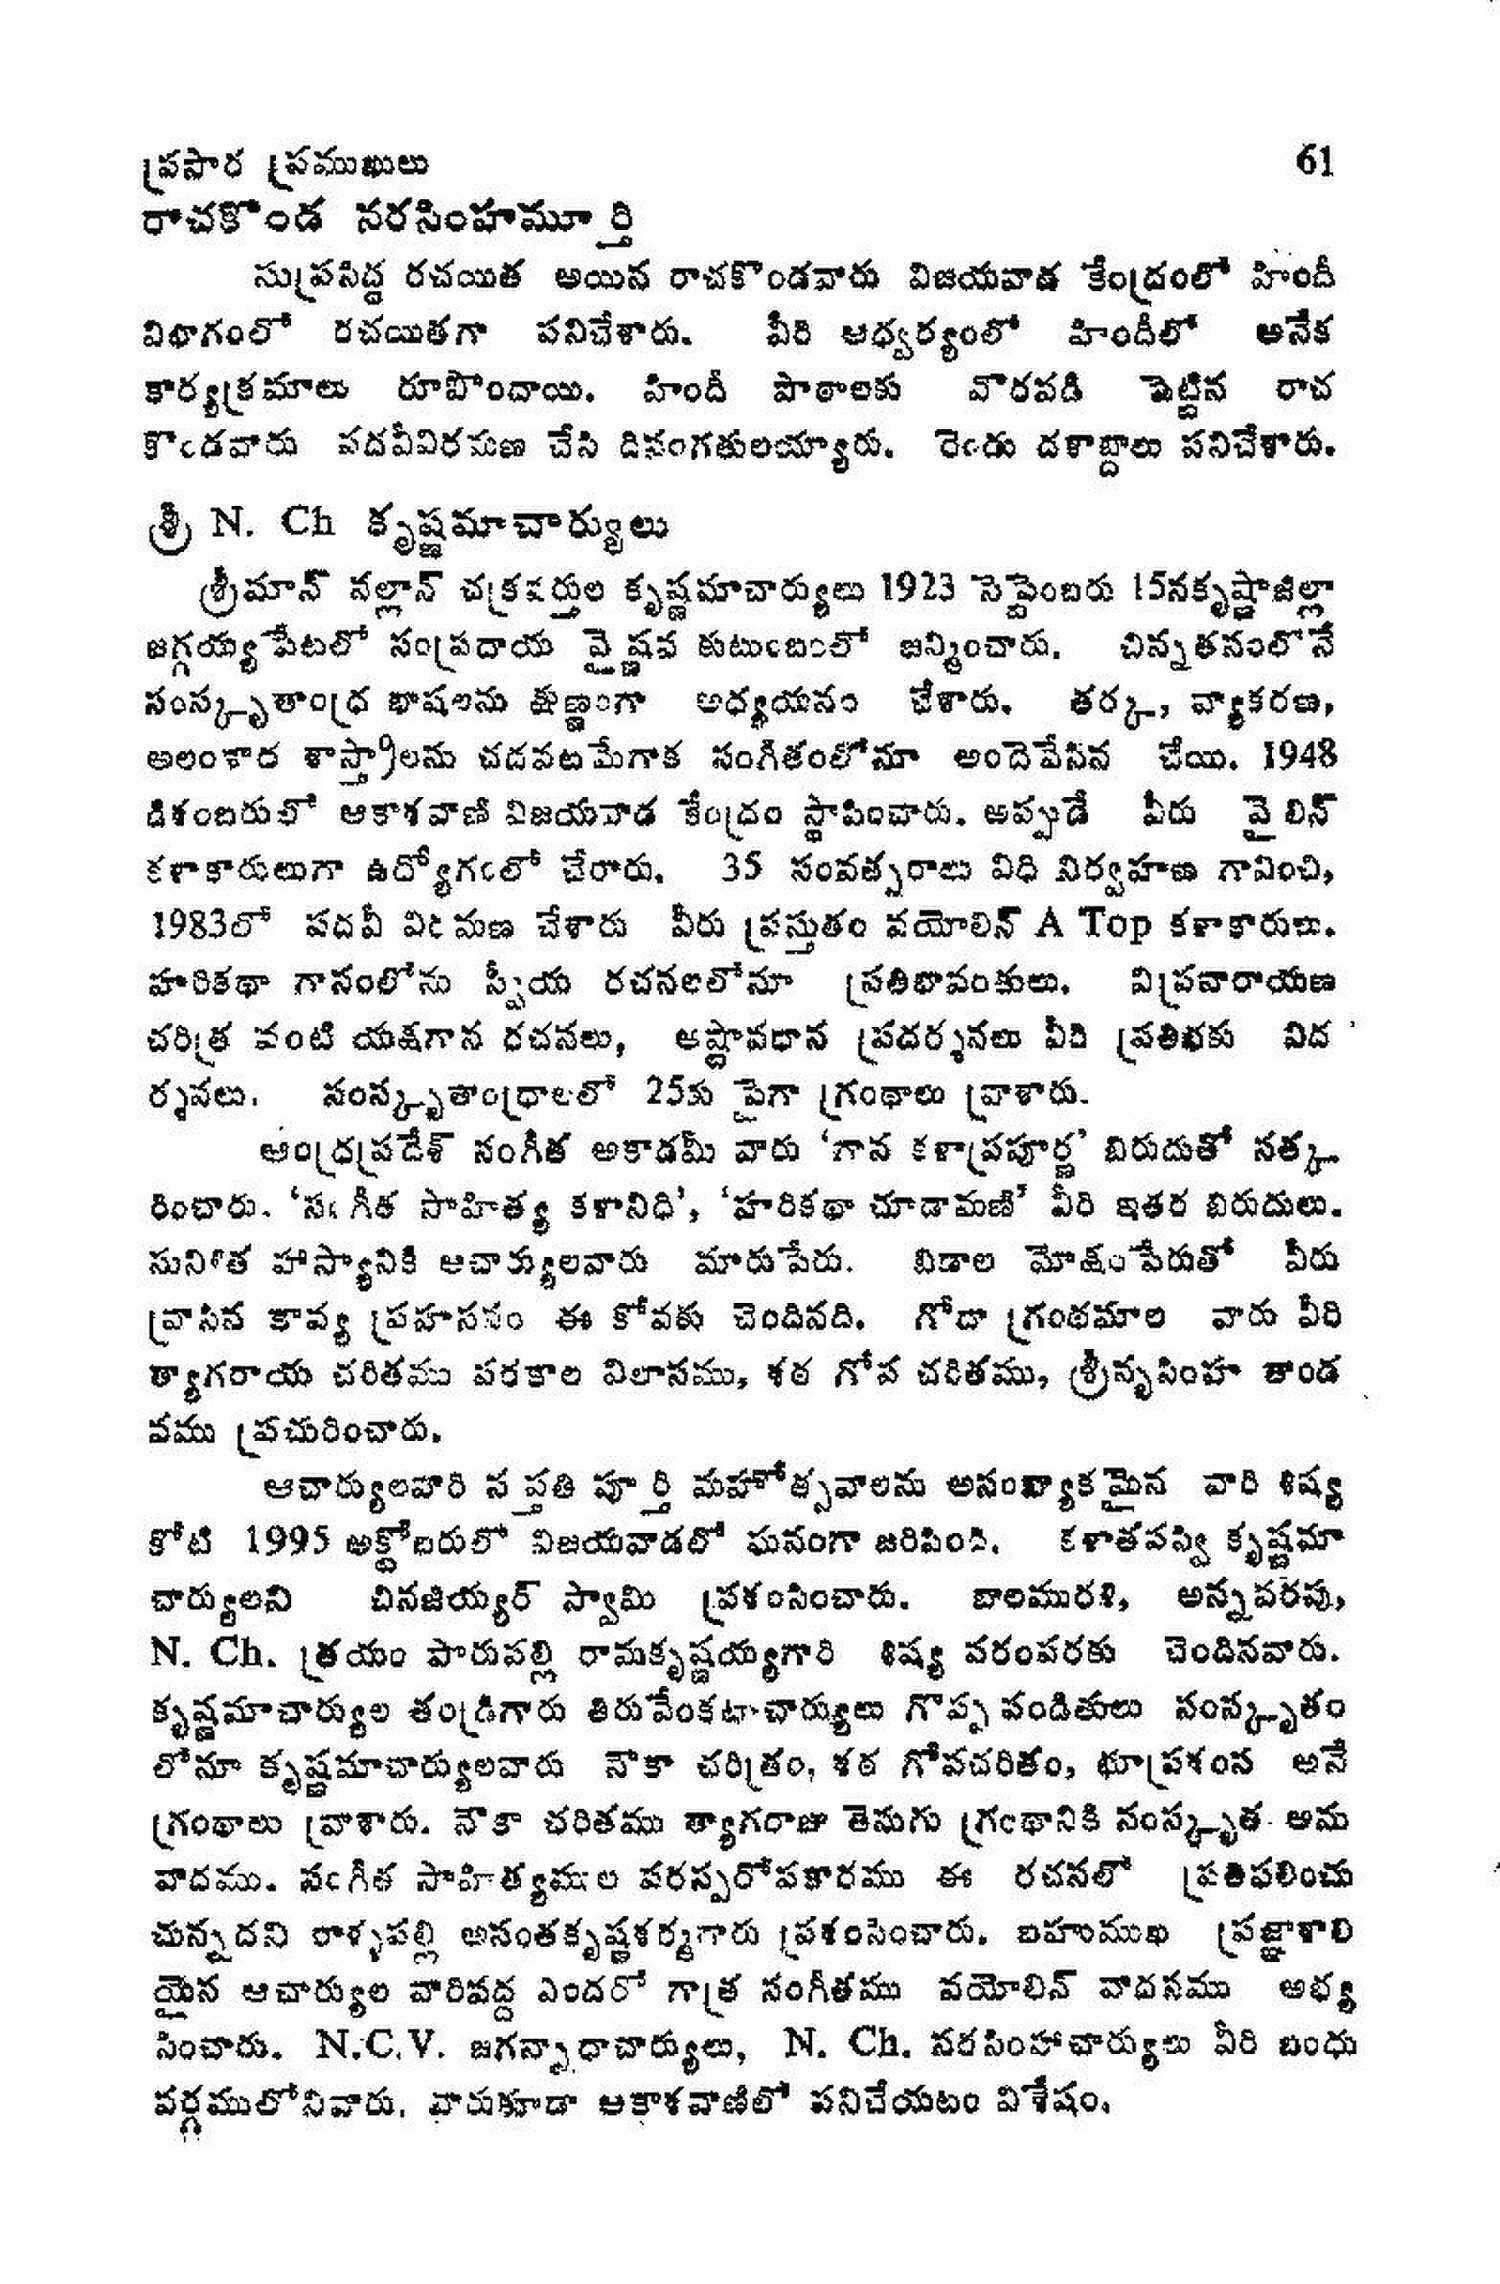సుప్రసిద్ధ రచయిత అయిన రాచకొండవారు విజయవాడ కేంద్రంలో హిందీ విభాగంలో రచయితగా పనిచేశారు. వీరి ఆధ్వర్యంలొ హిందీలో అనేక కార్యక్రమాలు రూపొందార్యి. హిందీ పాఠాలకు వొరవడి పెట్టిన రాచకొండవారు పదవీ విరమణ చేసి దివంగతులయ్యారు. రెండు దశాబ్దాలు పనిచేశారు.

శ్రీమాన్ నల్లాన్ చక్రవర్తుల కృష్ణమాచార్యులు 1923 సెప్టెంబరు 15న కృష్ణా జిల్లా జగ్గయ్యపేటలో సంప్రదాయ వైష్ణవ కుటుంబంలో జన్మించారు. చిన్నతనంలోనే సంస్కృతాంధ్ర భాషలను క్షుణ్ణంగా అధ్యయనం చేశారు. తర్క, వ్యాకరణ, అలంకాల శాస్త్రాలను చదవటమే గాక సంగీతంలోనూ అందెవేసిన చేయి. 1948 డిసెంబరులో ఆకాశవాణి విజయవాడ కేంద్రం స్థాపించారు. అప్పుడే వీరు వైలిన్ కళాకారులుగా ఉద్యోగంలో చేరారు. 35 సంవత్సరాలు విధి నిర్వహణ గావించి, 1983లో పదవీ విరమణ చేశారు. వీరు ప్రస్తుతం వయోలిన్ A Top కళాకారులు. హరికథా గానంలోను స్వీయ రచనలలోనూ ప్రతిభావంతులు. విప్రనారాయణ చరిత్ర వంటి యక్షగాన రచనలు, అష్టావధాన ప్రదర్శనలు వీరి ప్రతిభకు నిదర్శనలు. సంస్కృతాంధ్రాలలో 25కు పైగా గ్రంథాలు వ్రాశారు.

ఆంధ్రప్రదేశ్ సంగీత అకాడమి వారు ' గాన కళాప్రపూర్ణ ' బిరుదుతో సత్కరించారు. ' సంగీత సాహిత్య కలానిధి ', ' హరికథా చూడామణి ' వీరి ఇతర బిరుదులు. సునిశిత హాస్యానికి ఆచార్యులవారు మారుపేరు. బిడాల మోక్షం పేరుతో వీరు వ్రాసిన కావ్య ప్రహసనం ఈ కోవకు చెందినది. గోదా గ్రంథమాల వారు వీరి త్యాగరాయ చరితము, పరకాల విలాసము, శఠగోప చరితము, శ్రీనృసింహ తాండవము ప్రచురించారు.

ఆచార్యులవారి సప్తతి పుర్తి మహోత్సవాలను అసంఖ్యాకమైన వారి శిష్య కోటి 1995 అక్టోబరులో విజయవాడలో ఘనంగా జరిపింది. కళాతపస్వి కృష్ణామాచార్యులని చినజియ్యర్ స్వామి ప్రశంసించారు. బాలమురళి, అన్నవరప, N. Ch. త్రయం పారుపల్లి రామకృష్ణయ్యగారి శిష్య పరంపరకు చెందినవారు. కృష్ణమాచార్యుల తండ్రిగారు తిరువేంకటాచార్యులూ గొప్ప పండితులు. సంస్కృతం లోనూ కృష్ణమాచార్యులవారు నౌకా చరిత్రం, శఠ గోప చరితం, భూప్రశంస అనే గ్రంథాలు వ్రాశారు. నౌకా చరితము త్యాగరాజు తెనుగు గ్రంథానికి సంస్కృత అనువాదము. సంగీత సాహిత్యముల పరస్పరోపకారము ఈ రచనలో ప్రతిఫలించుచున్నదని రాళ్ళపల్లి అనంతకృష్ణశర్మగారు ప్రశంసించారు. బహుముఖ ప్రజ్ఞాశాలి యైన ఆచార్యుల వారివద్ద ఎందరో గాత్ర సంగీతము వయోలిన్ వాదనము అభ్యసించారు. N.C.V. జగన్నాధాచార్యూలు, N. Ch. నరసింహాచార్యులు వీరి బంధు వర్గములోని వారు. వారు కూడా ఆకాశవాణిలో పనిచేయటం విశేషం.